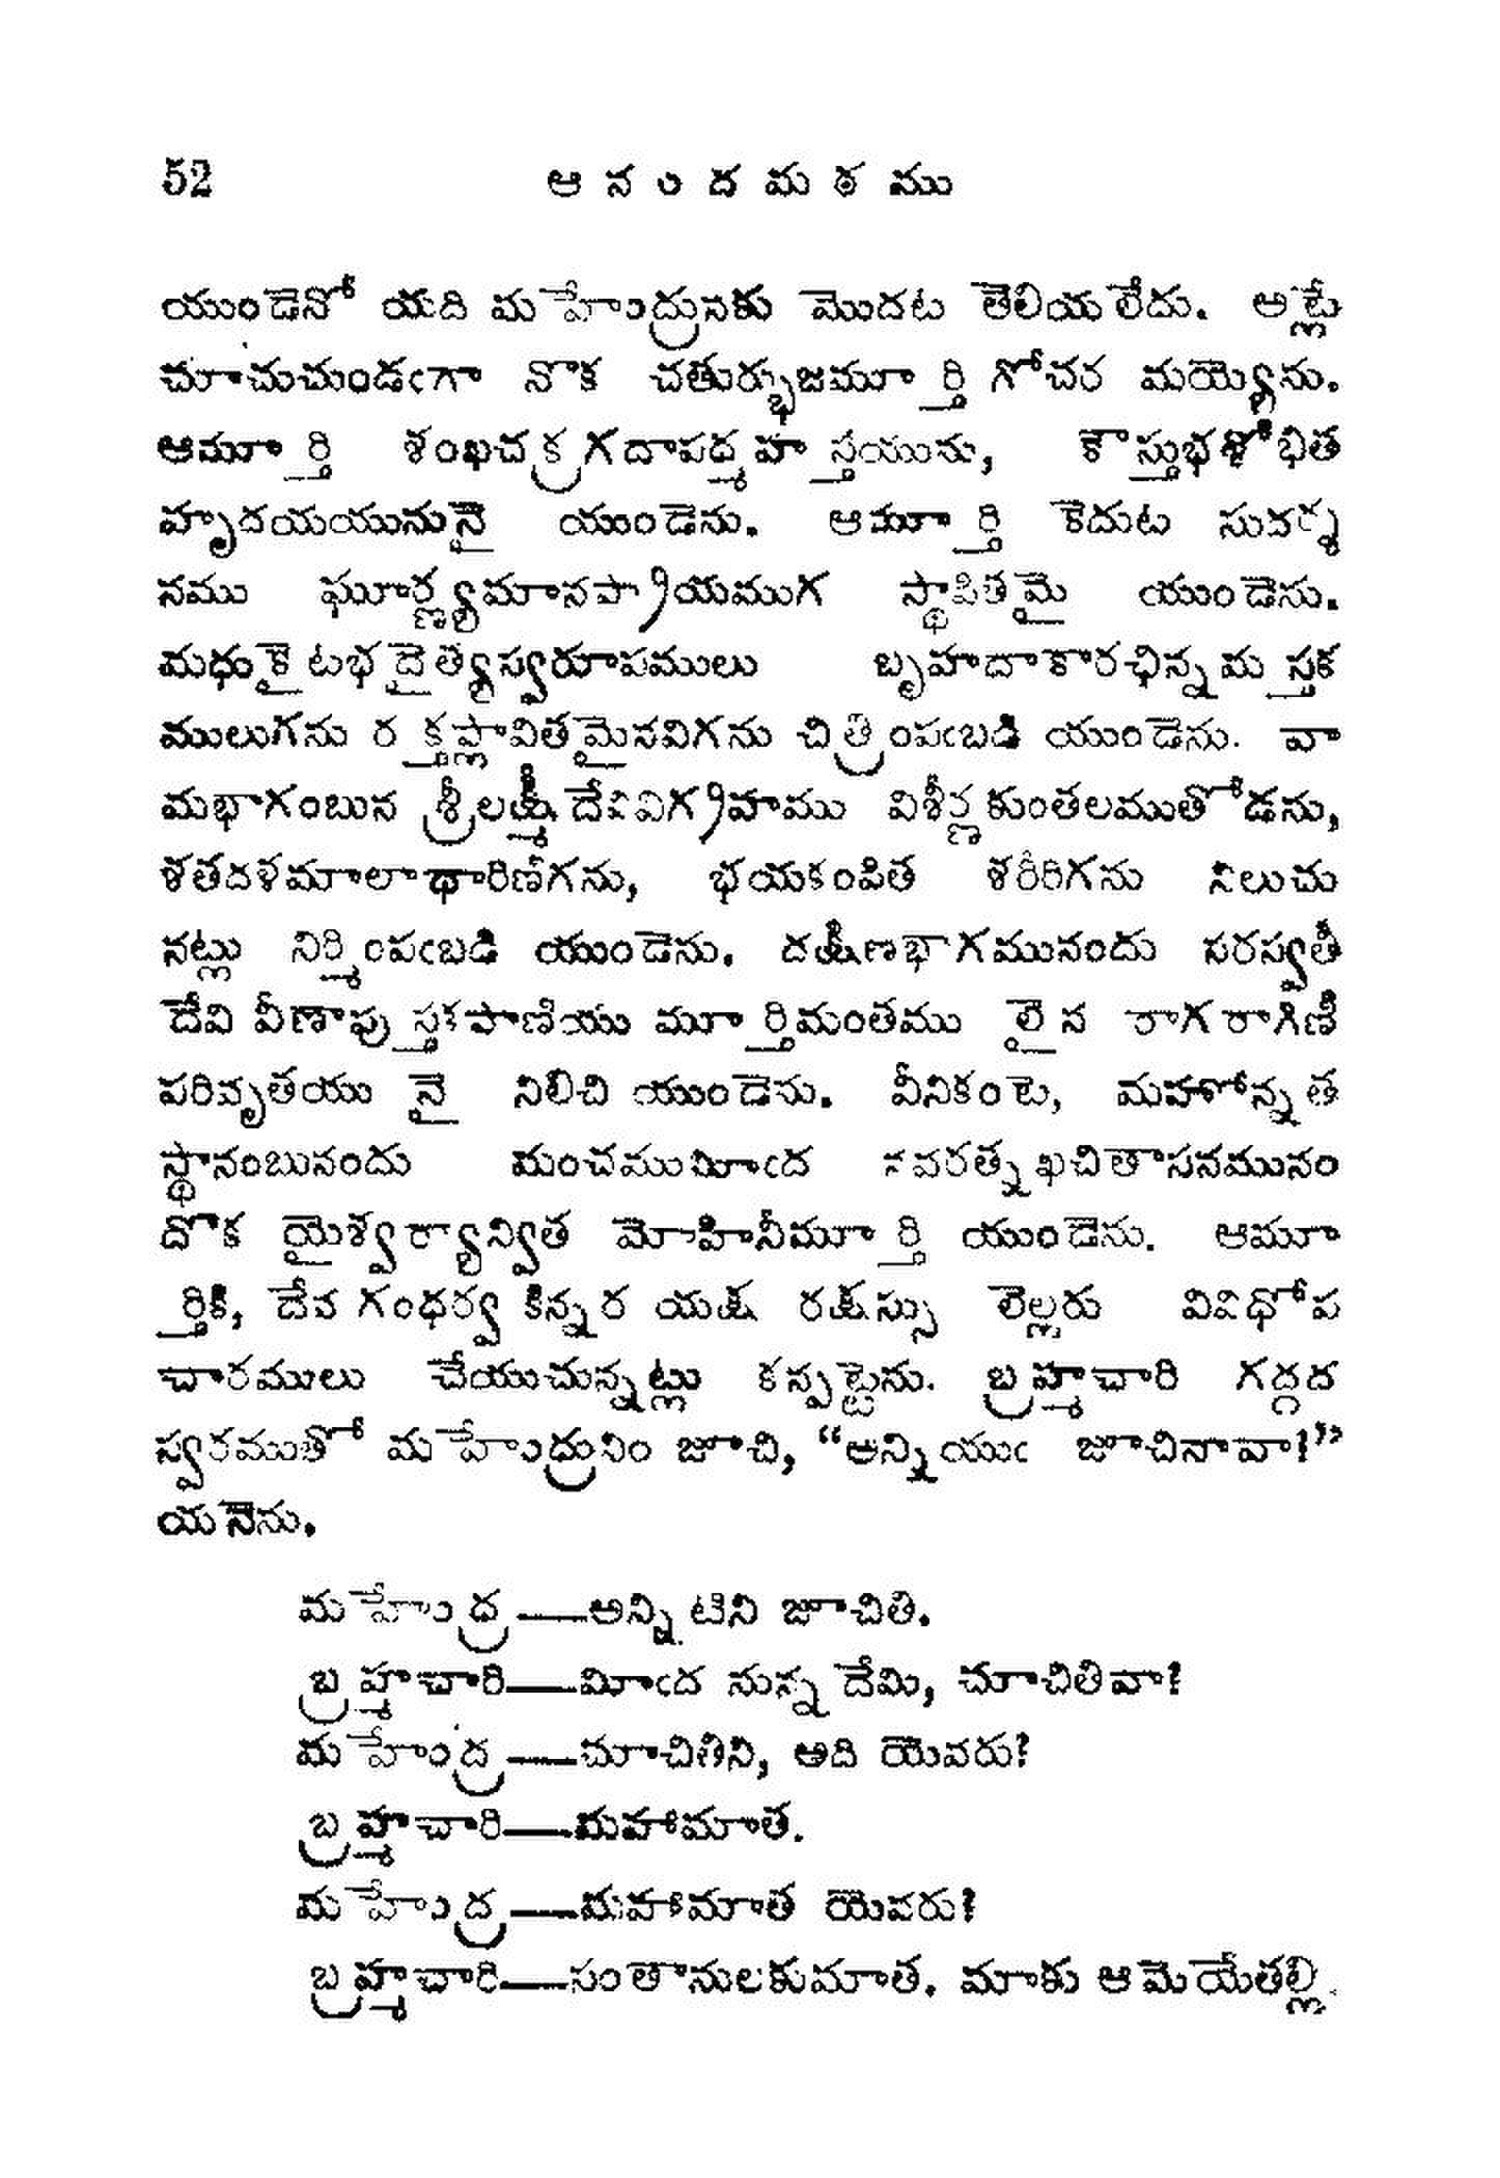యుండెనో యది మహేంద్రునకు మొదట తెలియలేదు. అట్లే చూచుచుండఁగా నొక చతుర్భుజమూర్తి గోచర మయ్యెను. ఆమూర్తి శంఖచక్ర గదాపద్మ హస్తయును, కౌస్తుభశోభిత హృదయయునునై యుండెను. ఆమూర్తి కెదుట సుదర్శనము ఘూర్ణ్యమానప్రాయముగ స్థాపితమై యుండెను. మధు కైటభ దైత్యస్వరూపములు బృహదాకారఛిన్న మస్తకములుగను రక్త ప్లావితమైనవిగను చిత్రింపఁబడి యుండెను. వామభాగంబున శ్రీలక్ష్మీదేవి విగ్రహము విశీర్ణ కుంతలముతోడను, శతదళమాలాధారిణిగను, భయకంపిత శరీరిగను నిలుచునట్లు నిర్మింపఁబడి యుండెను. దక్షిణ భాగమునందు సరస్వతీ దేవి వీణాపుస్తకపాణీయు మూర్తిమంతము లైన రాగరాగిణి పరివృతయు నై నిలిచి యుండెను. వీనికంటె, మహోన్నత స్థానంబునందు మంచము మీఁద నవరత్న ఖచితాసనమునందొక యైశ్వర్యాన్విత మోహినీ మూర్తి యుండెను. ఆమూర్తికి, దేవ గంధర్వ కిన్నర యక్ష రక్షస్సు లెల్లరు వివిధోపచారములు చేయుచున్నట్లు కన్పట్టెను. బ్రహచారి గద్దద స్వరముతో మహేంద్రునిం జూచి, "అన్నియుఁ జూచినావా!” యనెను.

మహేంద్ర——అన్ని టిని జూచితి.

బ్రహచారి——మీఁద నున్నదేమి, చూచితివా?

మహేంద్ర——చూచితిని, అది యెవరు?

బ్రహ్మచారి ——మహామాత.

మహేంద్ర——మహామాత యెవరు?

బ్రహ్మచారి—— సంతానులకుమాత, మాకు ఆమెయేతల్లి,